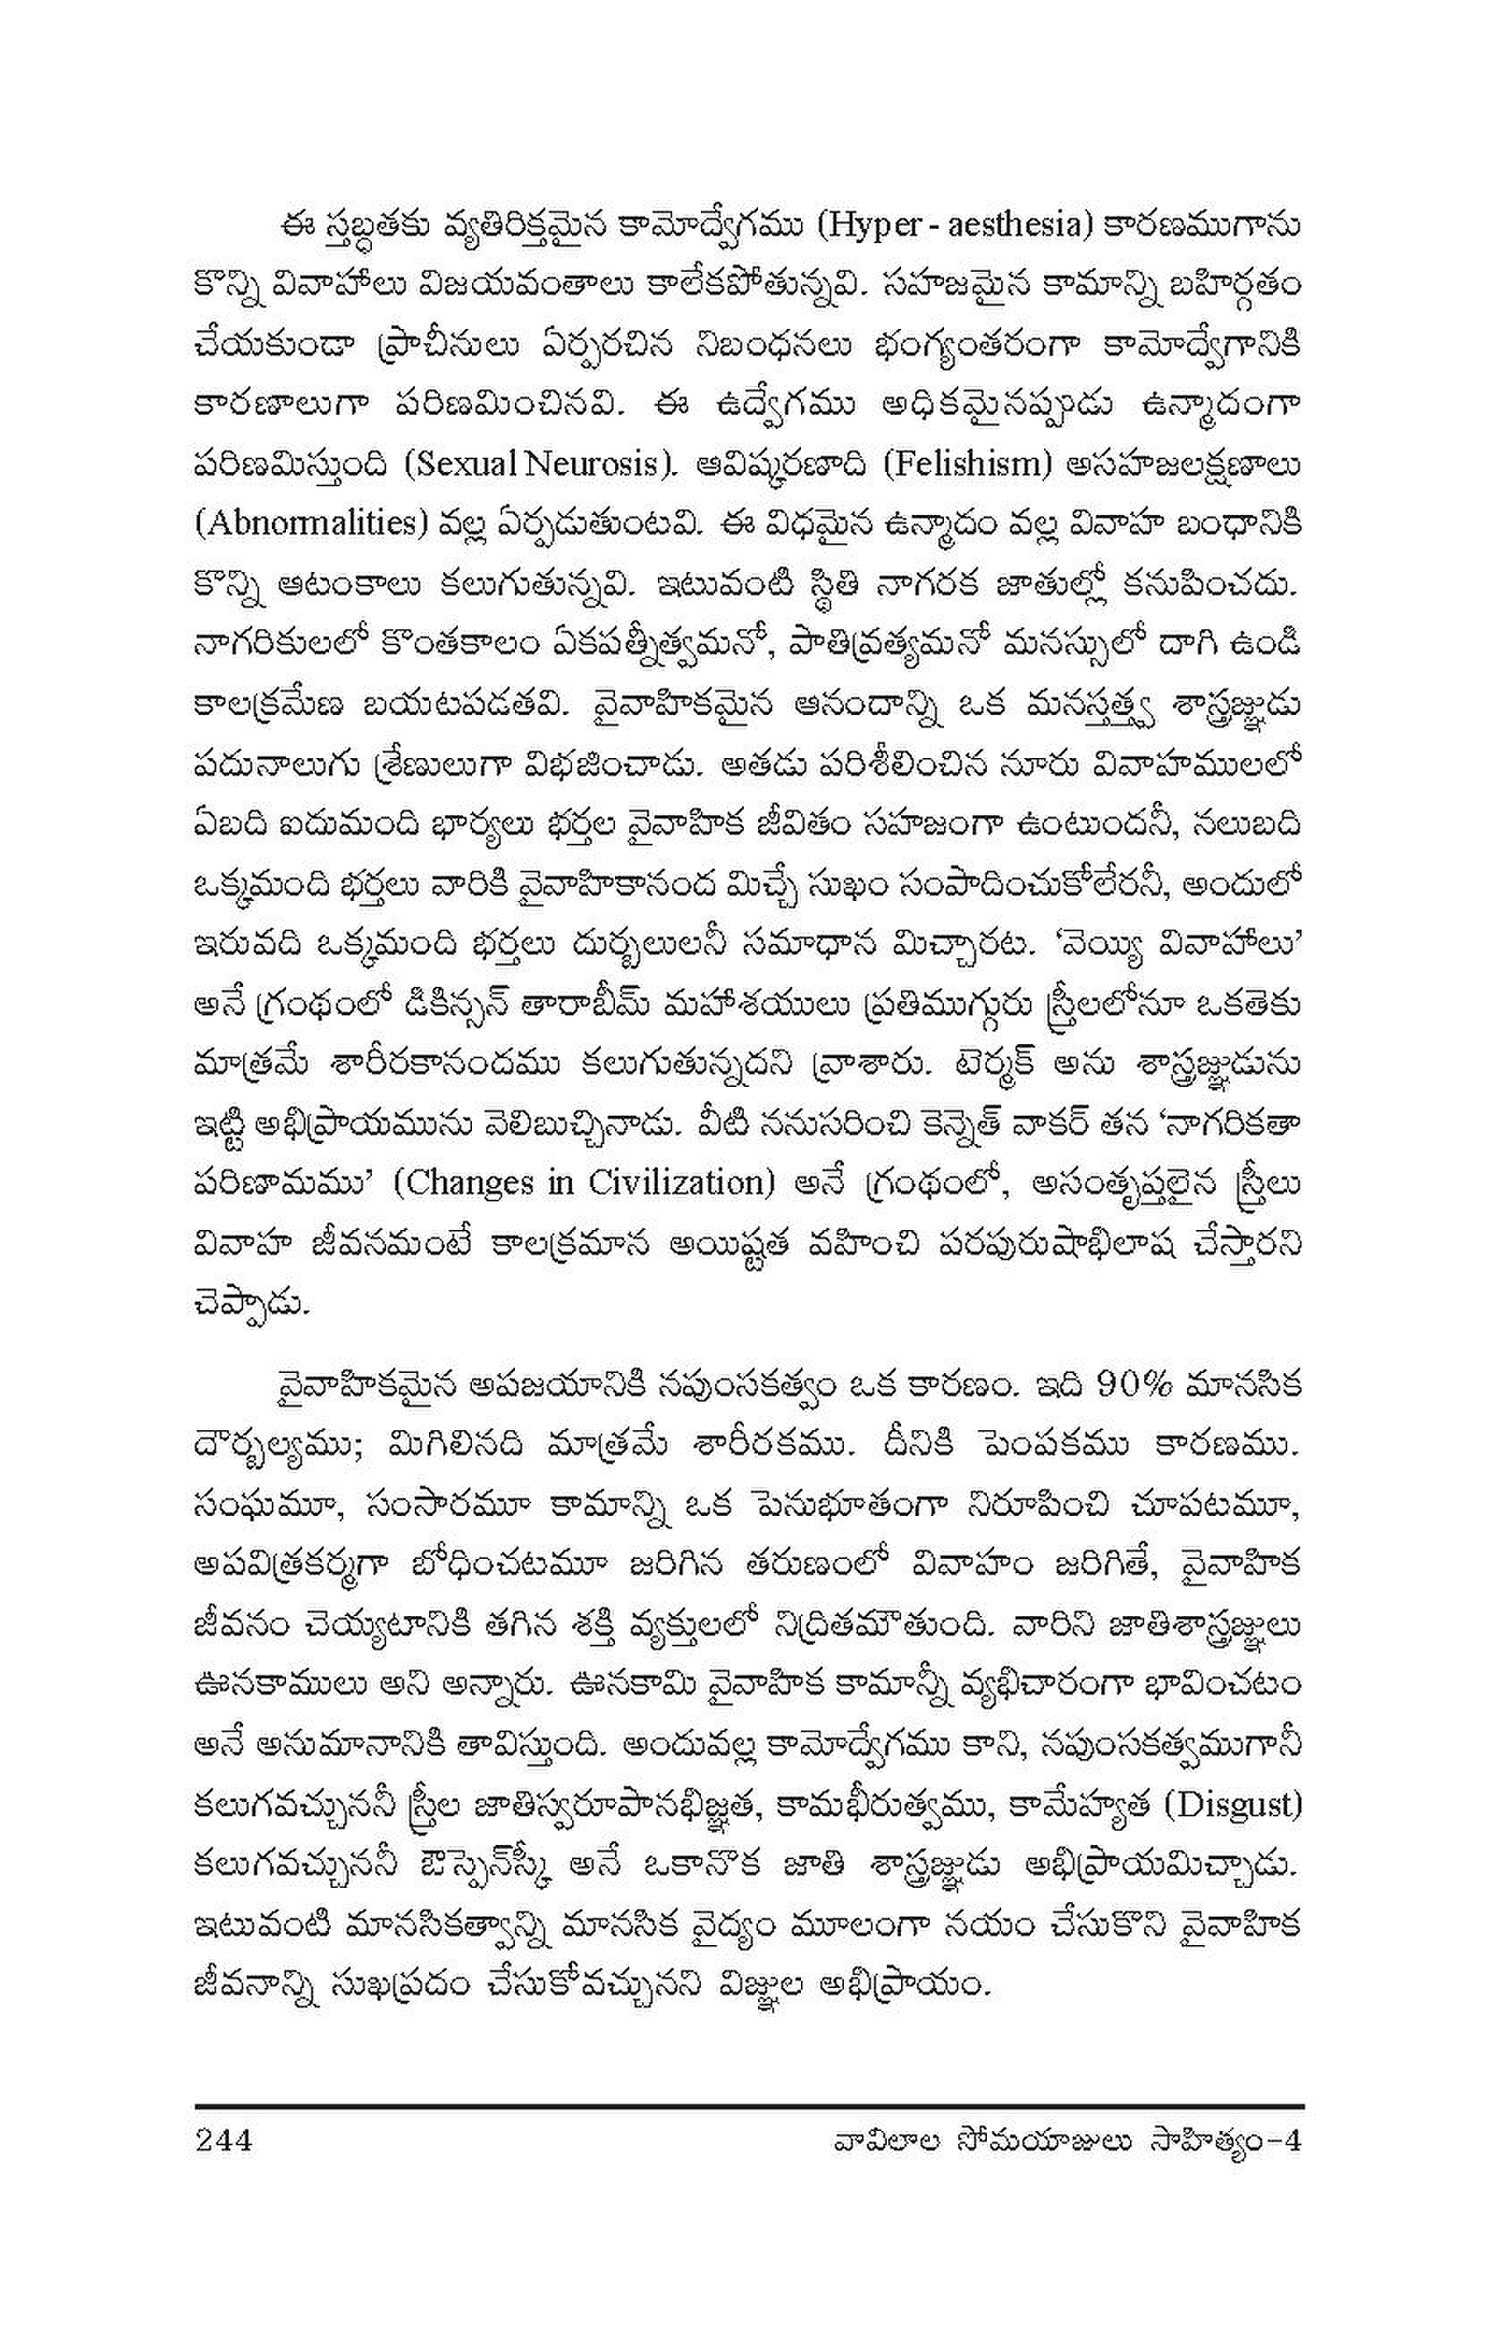ఈ స్తబ్ధతకు వ్యతిరిక్తమైన కామోద్వేగము (Hyper aesthesia) కారణముగాను
కొన్ని వివాహాలు విజయవంతాలు కాలేకపోతున్నవి. సహజమైన కామాన్ని బహిర్గతం
చేయకుండా ప్రాచీనులు ఏర్పరచిన నిబంధనలు భంగ్యంతరంగా కామోద్వేగానికి
కారణాలుగా పరిణమించినవి. ఈ ఉద్వేగము అధికమైనప్పుడు ఉన్మాదంగా
పరిణమిస్తుంది (Sexual Neurosis). ఆవిష్కరణాది (Fetishism) అసహజలక్షణాలు
(Abnormalities) వల్ల ఏర్పడుతుంటవి. ఈ విధమైన ఉన్మాదం వల్ల వివాహ బంధానికి
కొన్ని ఆటంకాలు కలుగుతున్నవి. ఇటువంటి స్థితి నాగరిక జాతుల్లో కనుపించదు.
నాగరికులలో కొంతకాలం ఏకపత్నీత్వమనో, పాతివ్రత్యమనో మనస్సులో దాగి ఉండి
కాలక్రమేణ బయటపడతవి. వైవాహికమైన ఆనందాన్ని ఒక మనస్తత్త్వ శాస్త్రజ్ఞుడు
పదునాలుగు శ్రేణులుగా విభజించాడు. అతడు పరిశీలించిన నూరు వివాహములలో
ఏబది ఐదుమంది భార్యలు భర్తల వైవాహిక జీవితం సహజంగా ఉంటుందనీ, నలుబది
ఒక్కమంది భర్తలు వారికి వైవాహికానంద మిచ్చే సుఖం సంపాదించుకోలేరనీ, అందులో
ఇరువది ఒక్కమంది భర్తలు దుర్బలులనీ సమాధాన మిచ్చారట. 'వెయ్యి వివాహాలు’
అనే గ్రంథంలో డికిన్సన్ తారాబీమ్ మహాశయులు ప్రతిముగ్గురు స్త్రీలలోనూ ఒకతెకు
మాత్రమే శారీరకానందము కలుగుతున్నదని వ్రాశారు. టెర్మక్ అను శాస్త్రజ్ఞుడును
ఇట్టి అభిప్రాయమును వెలిబుచ్చినాడు. వీటి ననుసరించి కెన్నెత్ వాకర్ తన 'నాగరికతా
పరిణామము’ (Changes in Civilization) అనే గ్రంథంలో, అసంతృప్తలైన స్త్రీలు
వివాహ జీవనమంటే కాలక్రమాన అయిష్టత వహించి పరపురుషాభిలాష చేస్తారని
చెప్పాడు.

వైవాహికమైన అపజయానికి నపుంసకత్వం ఒక కారణం. ఇది 90% మానసిక
దౌర్బల్యము; మిగిలినది మాత్రమే శారీరకము. దీనికి పెంపకము కారణము.
సంఘమూ, సంసారమూ కామాన్ని ఒక పెనుభూతంగా నిరూపించి చూపటమూ,
అపవిత్రకర్మగా బోధించటమూ జరిగిన తరుణంలో వివాహం జరిగితే, వైవాహిక
జీవనం చెయ్యటానికి తగిన శక్తి వ్యక్తులలో నిద్రితమౌతుంది. వారిని జాతిశాస్త్రజ్ఞులు
ఊనకాములు అని అన్నారు. ఊనకామి వైవాహిక కామాన్నీ వ్యభిచారంగా భావించటం
అనే అనుమానానికి తావిస్తుంది. అందువల్ల కామోద్వేగము కాని, నపుంసకత్వముగానీ
కలుగవచ్చుననీ స్త్రీల జాతిస్వరూపానభిజ్ఞత, కామభీరుత్వము, కామేహ్యత (Disgust)
కలుగవచ్చుననీ ఔస్పెన్స్కీ అనే ఒకానొక జాతి శాస్త్రజ్ఞుడు అభిప్రాయమిచ్చాడు.
ఇటువంటి మానసికత్వాన్ని మానసిక వైద్యం మూలంగా నయం చేసుకొని వైవాహిక
జీవనాన్ని సుఖప్రదం చేసుకోవచ్చునని విజ్ఞుల అభిప్రాయం.